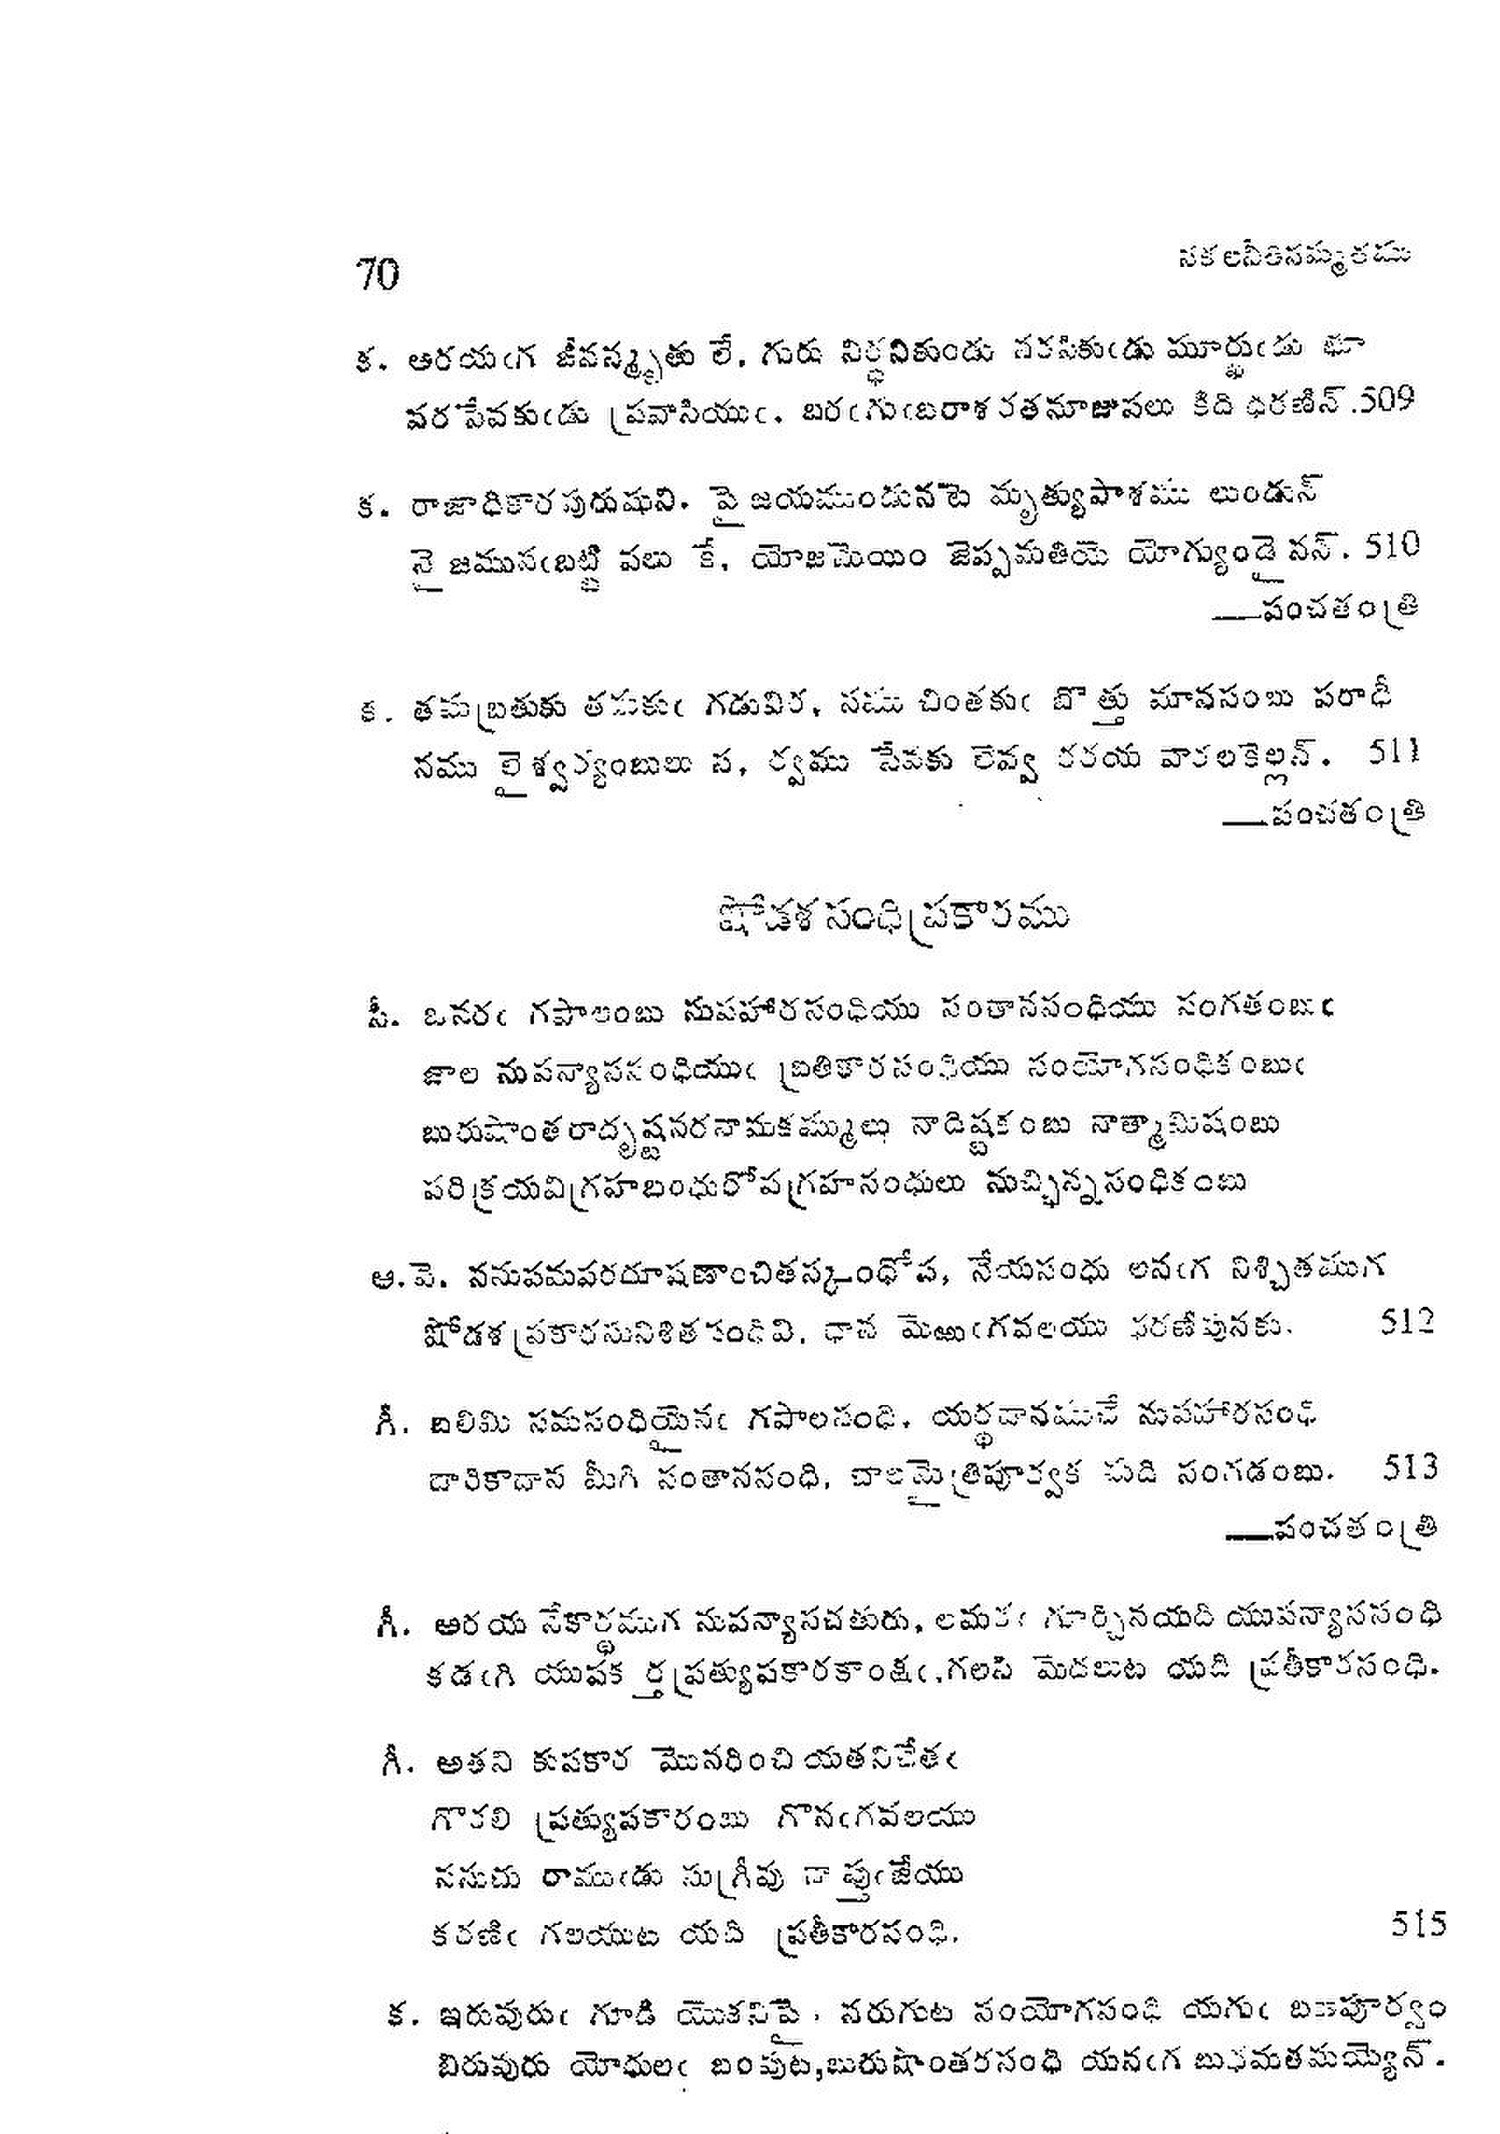క. అరయఁగ జీవన్మృతు లే
గురు నిర్ధనికుండు నరసికుఁడు మూర్ఖుఁడు భూ
వరసేవకుఁడు ప్రవాసియుఁ
బరఁగుఁ బరాశరతనూజు పలు కిది ధరణిన్. 509

క. రాజాధికారపురుషుని
పై జయముండునటె మృత్యుపాశము లుండున్
నైజమునఁ బట్టి పలు కే
యోజమెయిం జెప్పమతియె యోగ్యుం డైనన్. 510

క. తమబ్రతుకు తమకుఁ గడువిర
సము చింతకుఁ బొత్తు మానసంబు పరాధీ
నము లైశ్వర్యంబులు స
ర్వము సేవకు లెవ్వ రరయ వారల కెల్లన్. 511

సీ. ఒనరఁ గపాలంబు నుపహారసంధియు
సంతానసంధియు సంగతంబుఁ
జాల నుపన్యాససంధియుఁ బ్రతికార
సంధియు సంయోగసంధితంబు
బురుషాంతరాదృష్టనరనామకమ్ములు
నాదిష్టకంబు నాత్మామిషంబు
పరిక్రయవిగ్రహబంధురోపగ్రహ
సంధులు నుచ్ఛిన్నసంధికంబు
ఆ. ననుపమపరదూషణాంచితస్కంధోప
నేయసంధు లనఁగ నిశ్చితముగ
షోడషప్రకారసునిశితసంధివి
ధాన మెఱుఁగవలయు ధరణిపునకు. 512

గీ. బలిమి సమసంధియైనఁ గపాలసంధి
యర్థదానముచే నుపహారసంధి
దారికాదాన మీగి సంతానసంధి
చాలమైత్రిపూర్వక మది సంగడంబు. 513

గీ. అరయ నేకార్థముగ నుపన్యాసచతురు
లమరఁ గూర్చినయది యుపన్యాససంధి
కడఁగి యుపకర్తప్రత్యుపకారకాంక్షఁ
గలసి మెదలుట యది ప్రతీకారసంధి. 514

గీ. అతని కుపకార మొనరించి యతనిచేతఁ
గొరలి ప్రత్యుపకారంబు గొనఁగవలయు
ననుచు రాముఁడు సుగ్రీవు నాప్తుఁ జేయు
కరణిఁ గలయుట యది ప్రతీకారసంధి. 515

క. ఇరువురుఁ గూడి యొకనిపై
నరుగుట సంయోగసంధి యగుఁ బణపూర్వం
బిరువురు యోధులఁ బంపుట
బురుషాంతరసంధి యనఁగ బుధమతమయ్యెన్. 516